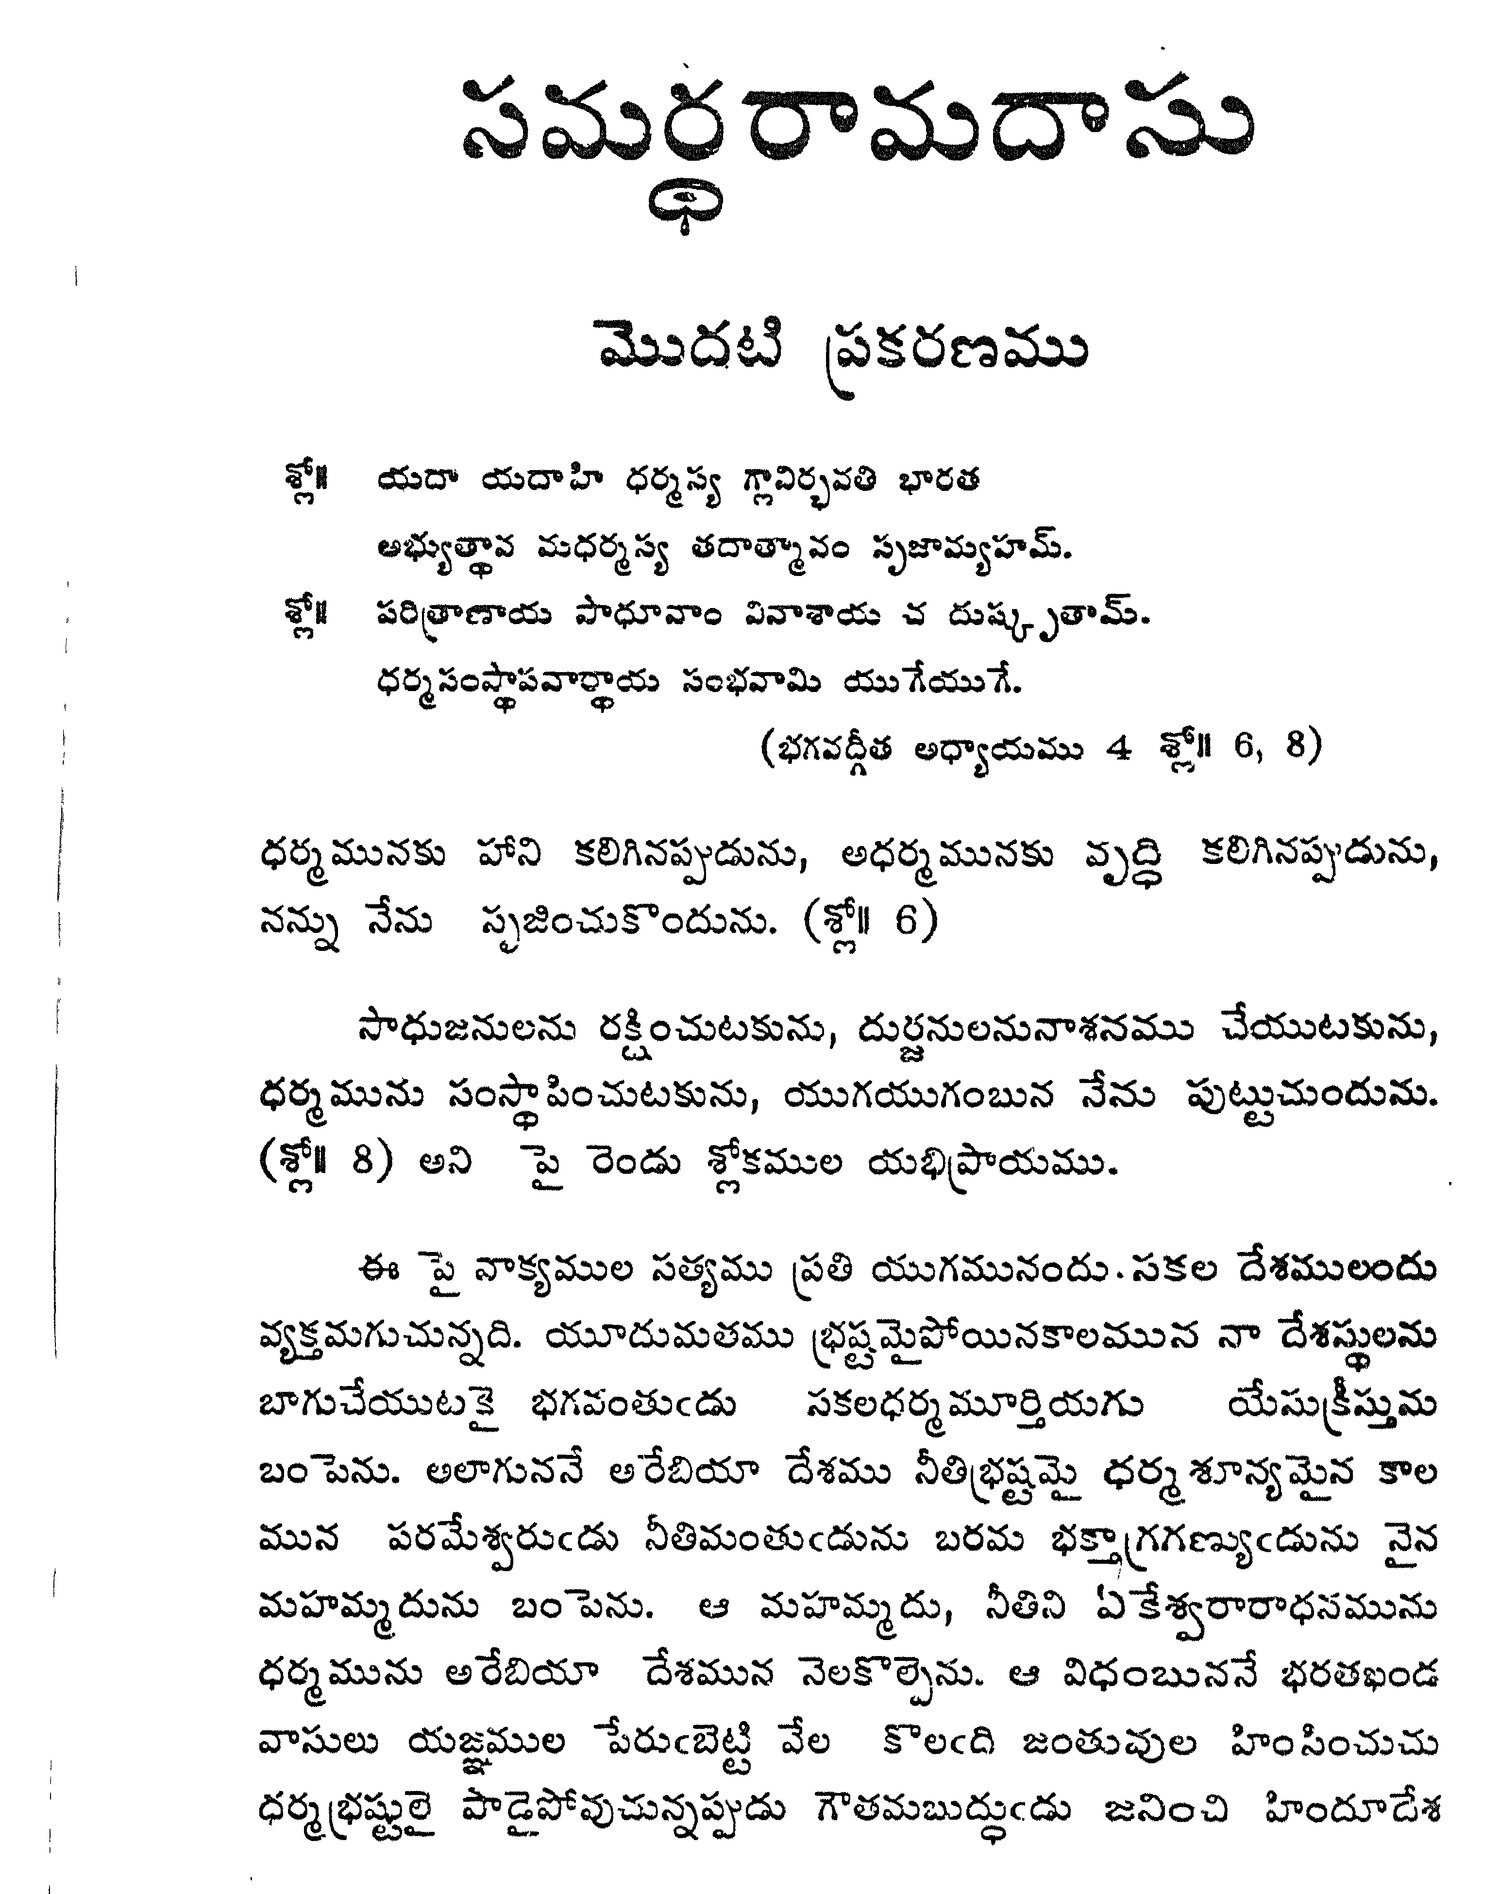ధర్మమునకు హాని కలిగినప్పుడును, అధర్మమునకు వృద్ధి కలిగినప్పుడును, నన్ను నేను సృహించుకొందును. (శ్లో|| 6)

సాధుజనులను రక్షించుటకును, దుర్జనులను నాశనము చేయుటకును, ధర్మమును సంస్థాపించుటకును, యుగయుగంబున నేను పుట్టుచుందును. (శ్లో|| 8) అని పై రెండు శ్లోకముల యభిప్రాయము.

ఈ పై వాక్యముల సత్యము ప్రతి యుగమునందు సకకల దేశములందు వ్యక్తమగుచున్నది. యూదుమతము భ్రష్టమైపోయినకాలమున నాదేశస్థులను బాగుచేయుటకై భగవంవంతుడు సలకలధర్మమూర్తియగు యేసుక్రీస్తును బంపెను. అలాగుననే అరేబియాదేశము నీతిభ్రష్టమై ధర్నశూన్యమైన కాలమున పరమేశ్వరుడు నీతిమంతుడును బరమ భక్తాగ్రగణ్యుడును నైన మహమ్మదును బంపెను. ఆమహమ్మదు, నీతిని ఏకేశ్వరారాధనమును ధర్మమును అరేబియా దేశమున నెలకొల్పెను. ఆవిధంబుననే భరఖండవాసులు యజ్నముల పేరుబెట్టి వేలకొలది జంతువుల హింసిచుచు ధర్మభ్రస్టులై పాదైపోవుచున్నపుడు గౌతమబుద్దుడు జనించి హిందూదేశ